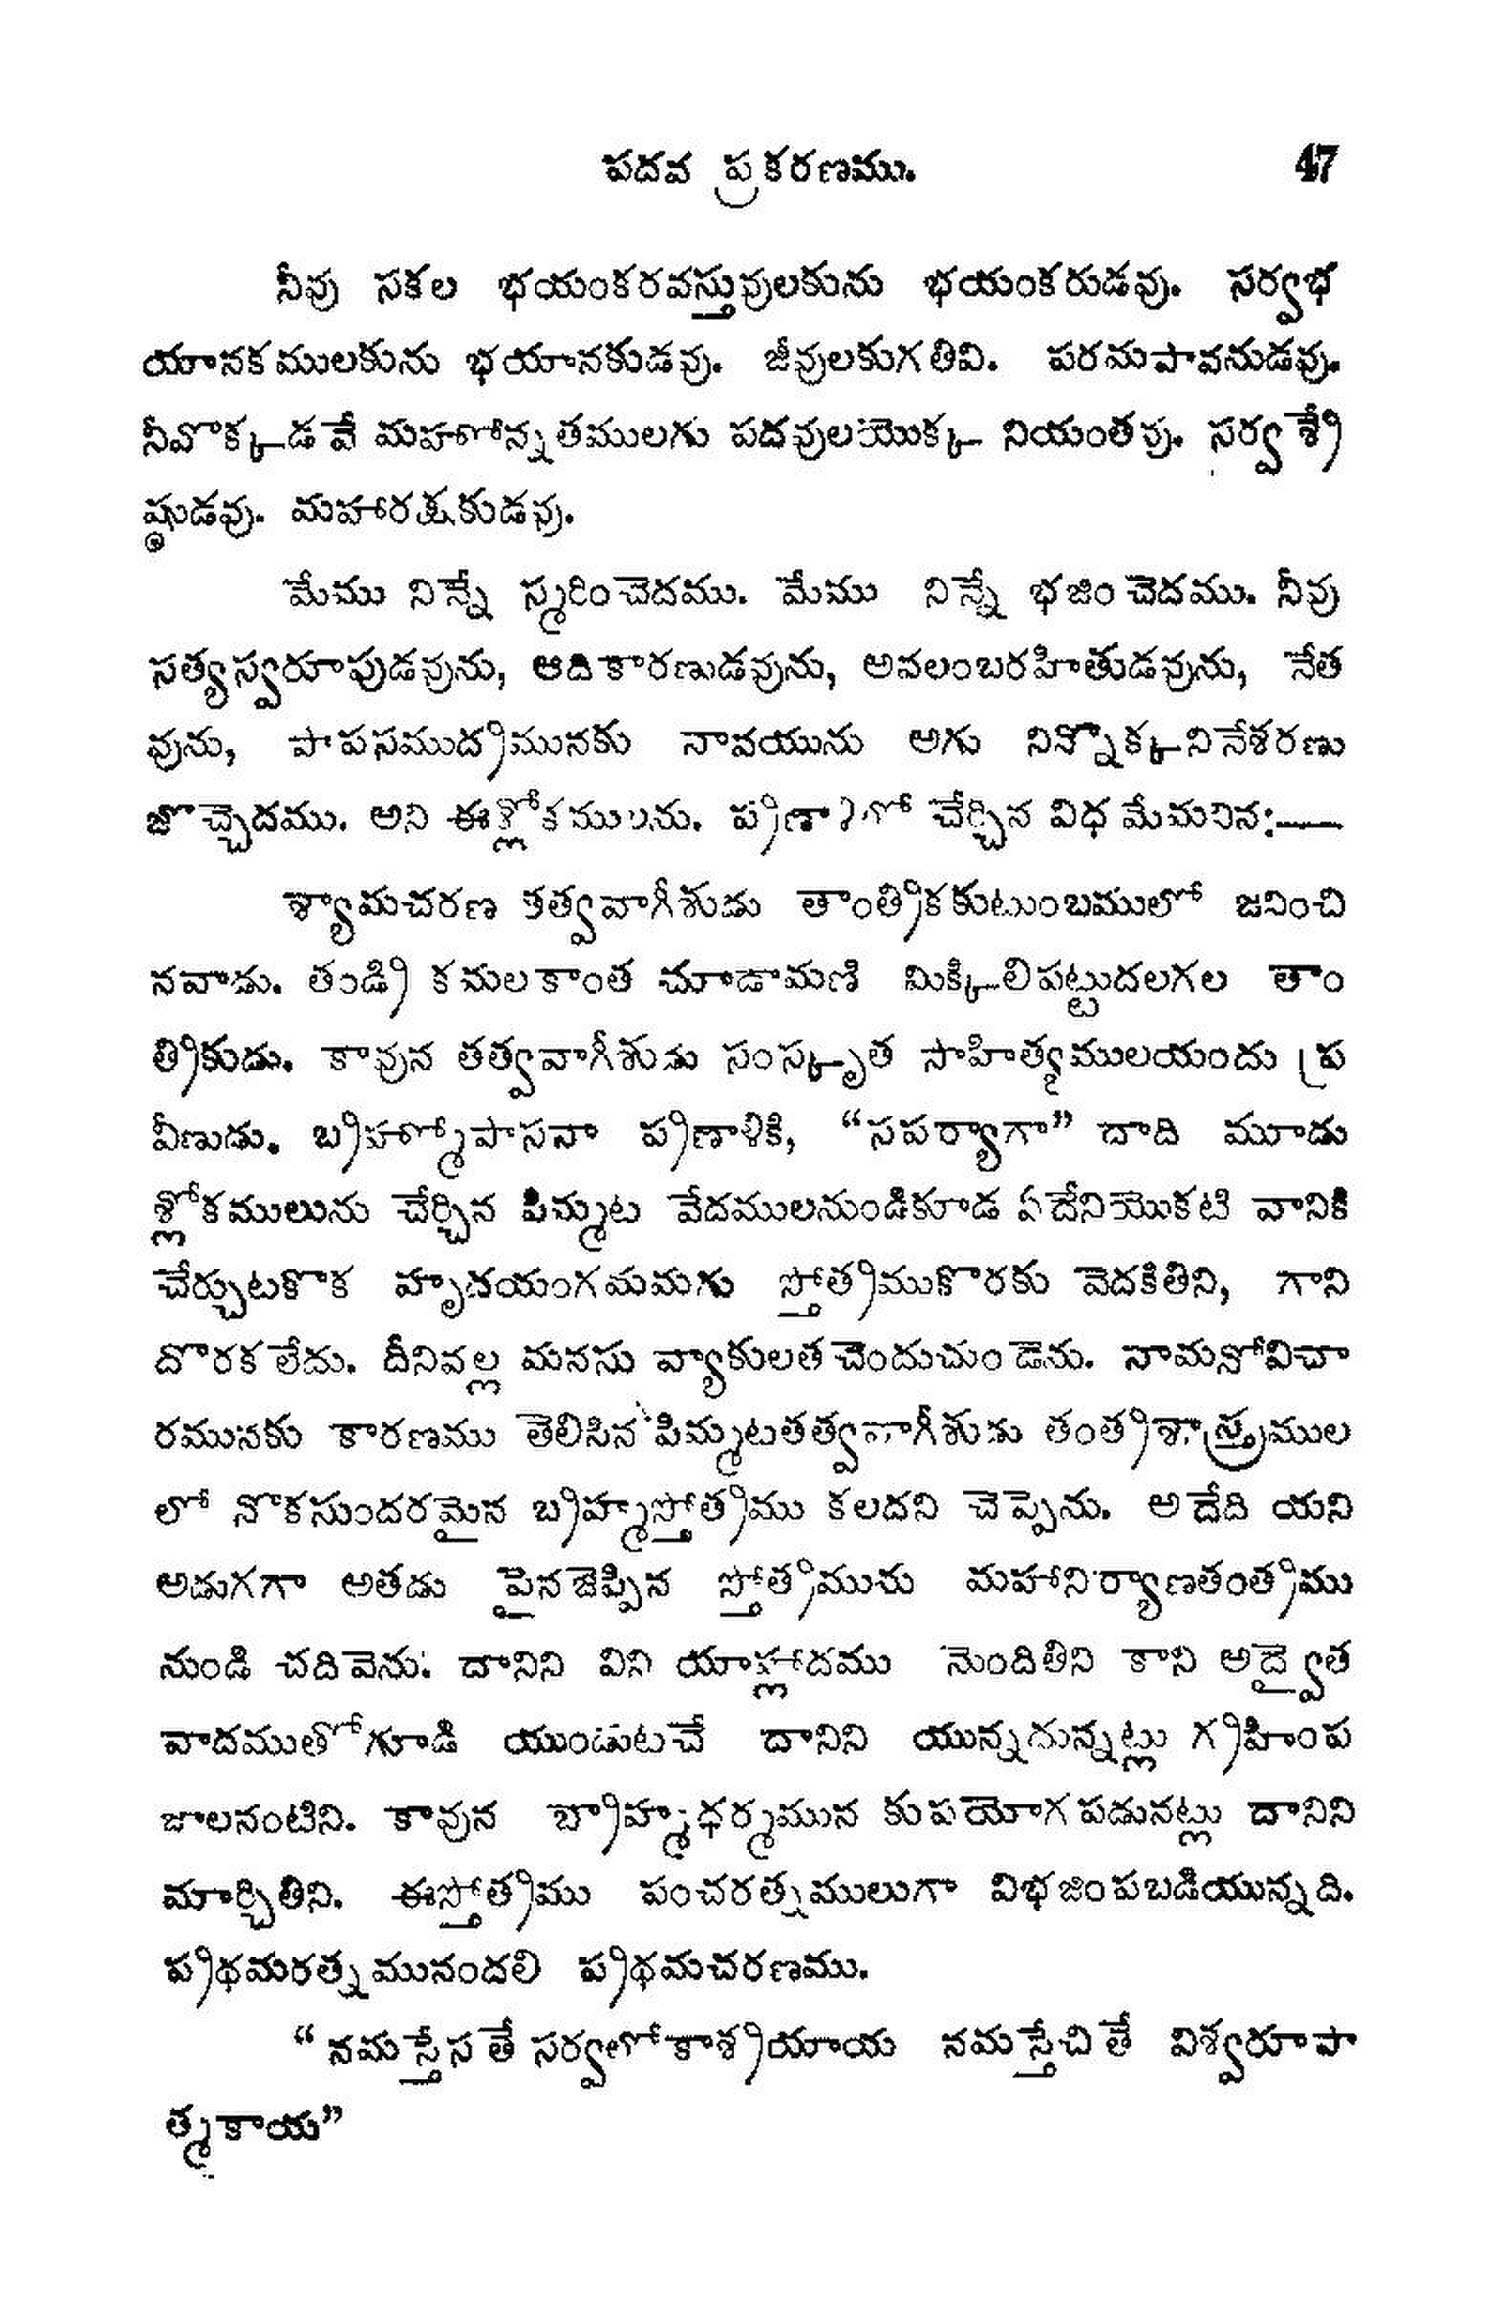నీవు సకల భయంకర వస్తువులకును భయంకరుడవు. సర్వభ
యానకములకును భయానకుడవు. జీవులకుగతివి. పరమపావనుడవు.
నీ వొక్కడవే మహోన్నతములగు పదవుల యొక్క నియంతవు. సర్వశ్రే
స్థుడవు. మహారక్షుకుడవు.

'మేము నిన్నే స్మరించెదము. 'మేము నిన్నే భజించెదము. నీవు
సత్య స్వరూపుడవును, ఆది కారణుడవును, అవలంబ రహితుడవును, "నేత
వును, పాపసముద్రమునకు నావయును అగు నిన్నొక్కనినే శరణు
జొచ్చెదము. అని ఈశ్లోకములను. ప్రణాళికలో చేర్చిన విధ మేమనిన ---

శ్యామచరణ కత్వ వాగీశుడు తాంతిక కుటుంబములో జనించినవాడు. తండ్రి కమల
 కాంత చూడామణి మిక్కిలి పట్టుదలగల తాంత్రికుడు, కావున తత్వ వాగీశును 
సంస్కృత సాహిత్యములయందు ప్రవీణుడు, బ్రహ్మోపాసనా ప్రణాళికి, “సపర్యాగా” 
దాది మూడుశ్లోకములును చేర్చిన పిమ్మట వేదములనుండి కూడ ఏ దేని యొకటి వానికిచేర్చుటకొక హృదయంగమమగు స్తోత్రము కొరకు వెదకితిని, గాని
దొరక లేదు. దీనివల్ల మనసు ప్యాకులత చెందు చుండెను. నామనోవిచా
రమునకు కారణము తెలిసిన పిమ్మట తత్వ వాగీశుడు తంతశాస్త్రముల
లో నొక సుందరమైన బ్రహ్మస్తోత్రము కలదని చెప్పెను. అదేది యని
అడుగగా అతడు పైన జెప్పిన స్తోతమును మహానిర్యాణతంతము
నుండి చదివెను. దానిని విని యాహ్లాదము 'నందితిని కానీ అద్వైత
వాదముతో గూడి యుండుటచే దానిని యున్నదున్నట్లు గహింప
జాలనంటిని. కావున బ్రాహ్మధర్మమున కుపయోగ పడునట్లు దానిని
మార్చితిని. ఈస్తోత్రము పంచరత్నములుగా విభజింప బడియున్నది.
ప్రథమరత్నమునందలి ప్రథమ చరణము,

 నమస్తేసతే సర్వలోకాశయాయ నమస్తేచితే విశ్వరూపాత్మకాయ"